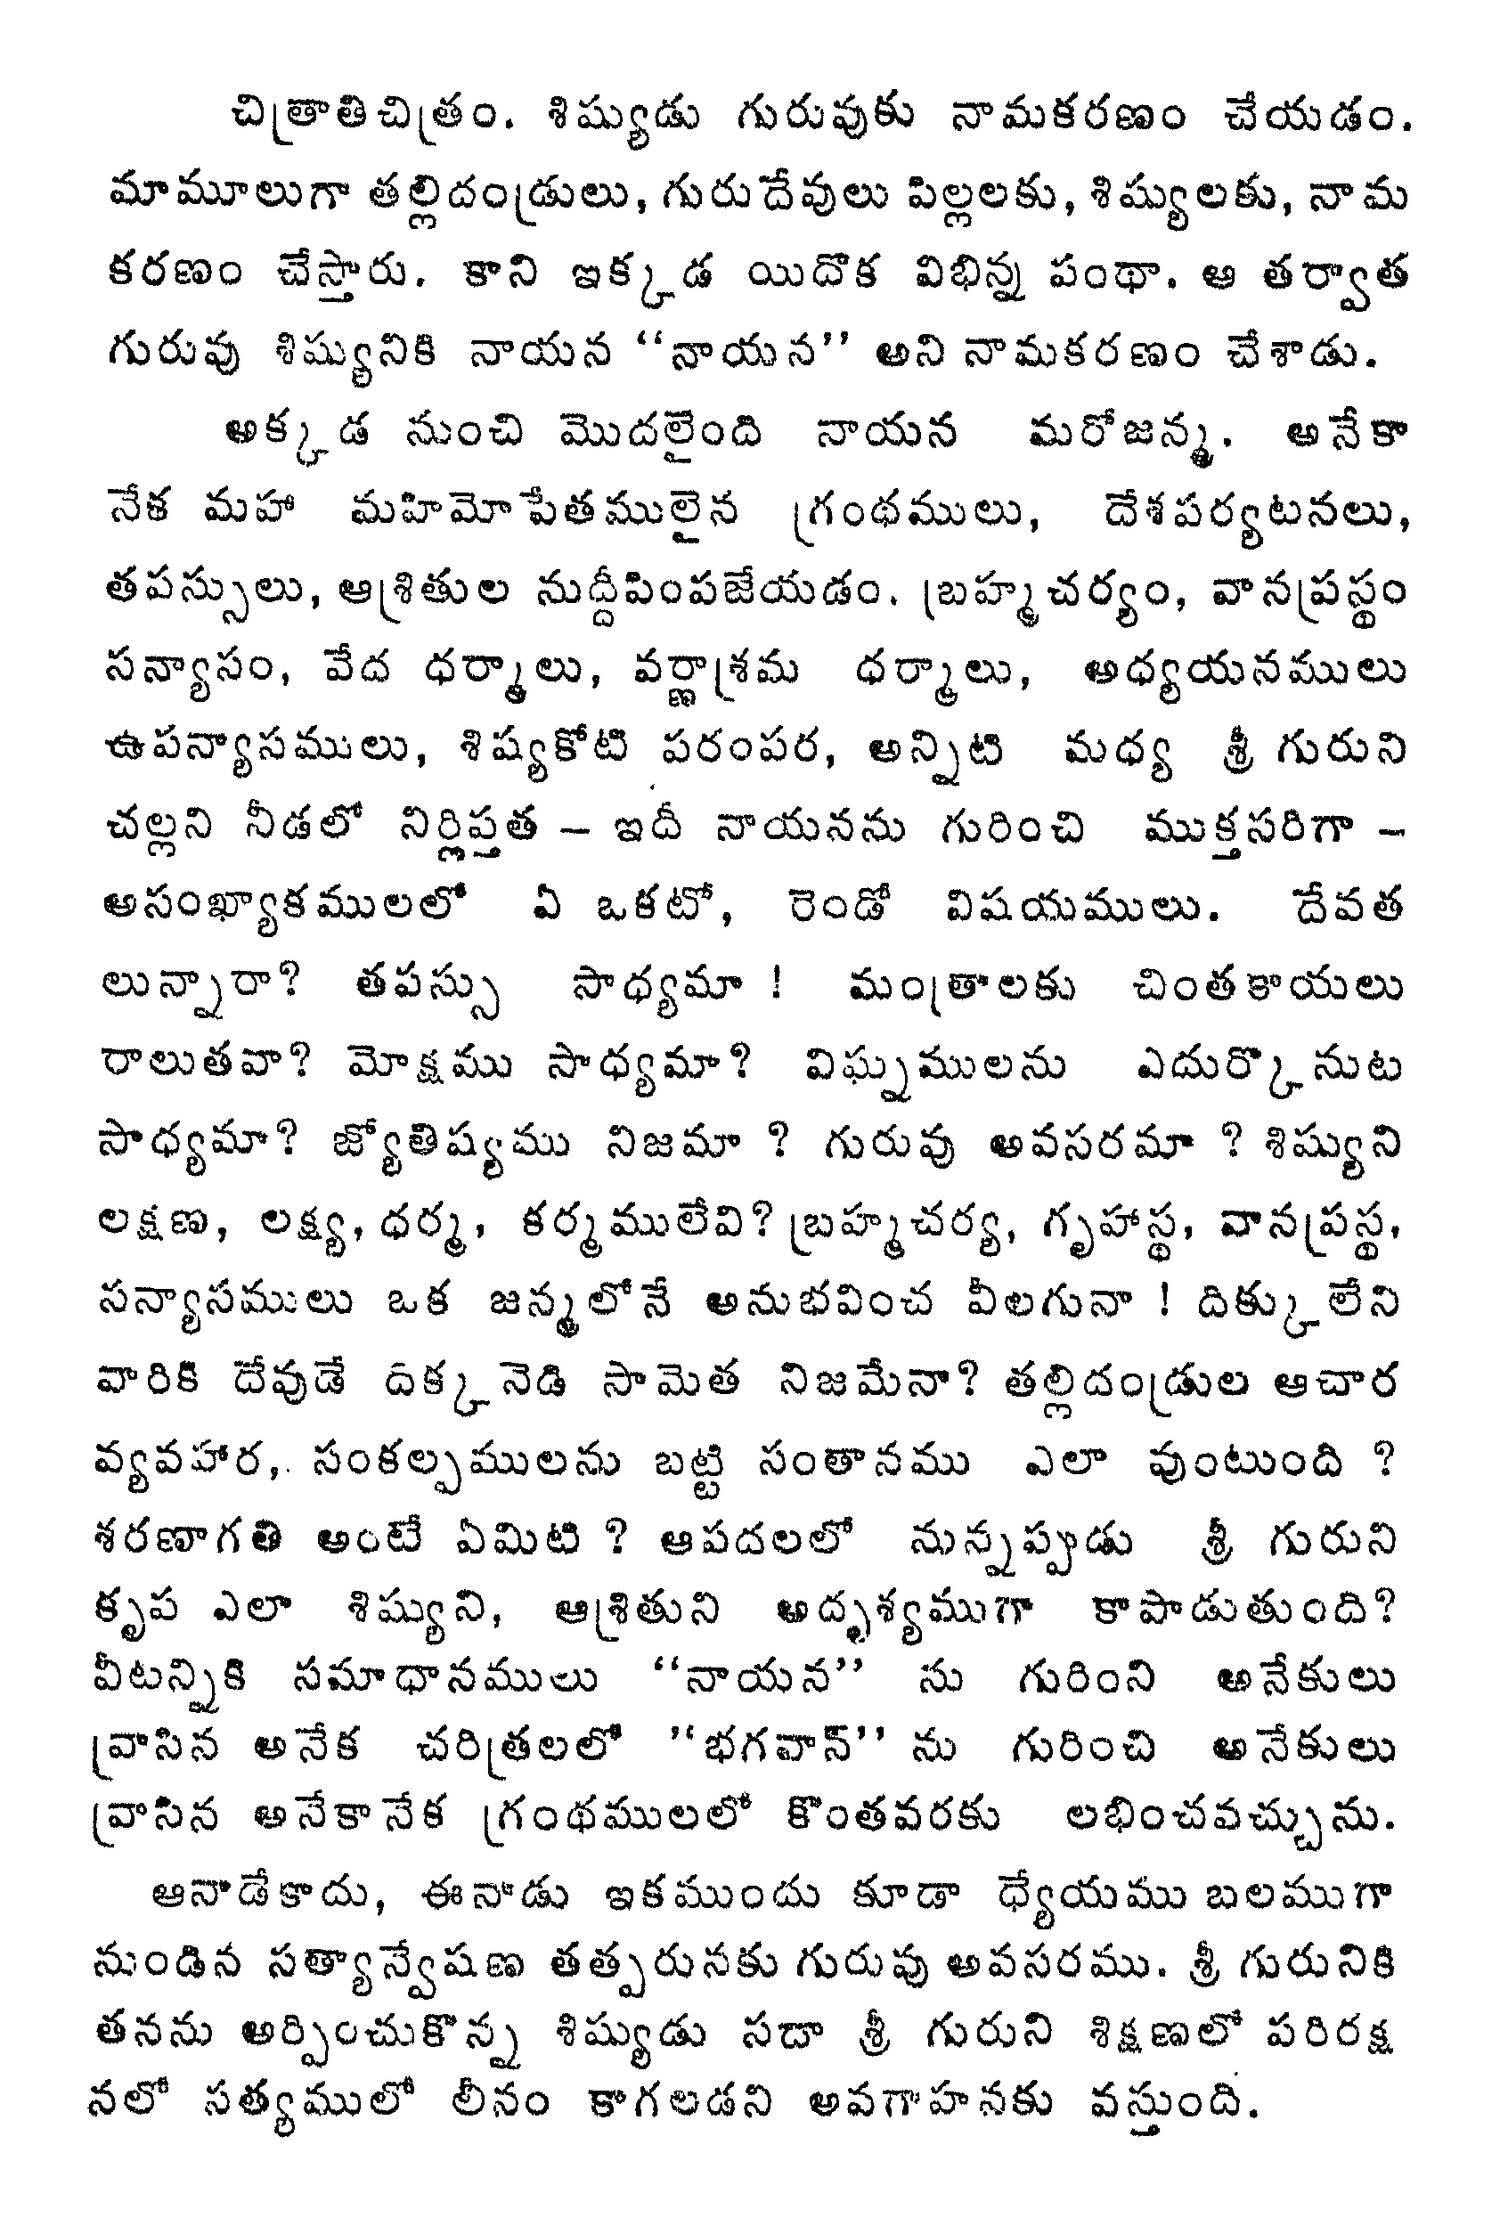చిత్రాతిచిత్రం. శిష్యుడు గురువుకు నామకరణం చేయడం. మామూలుగా తల్లిదండ్రులు, గురుదేవులు పిల్లలకు, శిష్యులకు, నామకరణం చేస్తారు. కాని ఇక్కడ యిదొక విభిన్న పంథా. ఆ తర్వాత గురువు శిష్యునికి నాయన "నాయన" అని నామకరణం చేశాడు.

అక్కడ నుంచి మొదలైంది నాయన మరోజన్మ. అనేకానేక మహా మహిమోపేతములైన గ్రంథములు, దేశపర్యటనలు, తపస్సులు, ఆశ్రితుల నుద్దీపింపజేయడం. బ్రహ్మచర్యం, వానప్రస్థం సన్యాసం, వేద ధర్మాలు, వర్ణాశ్రమ దర్మాలు, అధ్యయనములు, ఉపన్యాసములు, శిష్యకోటి పరంపర, అన్నిటి మధ్య శ్రీ గురుని చల్లని నీడలో నిర్లిప్తత - ఇది నాయనను గురించి ముక్తసరిగా - అసంఖ్యాకములలో ఏ ఒకటో, రెండో విషయములు. దేవతలున్నారా ? తపస్సు సాధ్యమా ! మంత్రాలకు చింతకాయలు రాలుతవా ? మోక్షము సాధ్యమా ? విఘ్నములను ఎదుర్కొనుట సాధ్యమా? జ్యోతిష్యము నిజమా ? గురువు అవసరమా ? శిష్యుని లక్షణ, లక్ష్య, ధర్మ, కర్మములేవి? బ్రహ్మచర్య, గృహస్థ, వానప్రస్థ, సన్యాసములు ఒక జన్మలోనే అనుభవించ వీలగునా ! దిక్కులేని వారికి దేవుడే దిక్కనెడి సామెత నిజమేనా? తల్లిదండ్రుల ఆచార వ్యవహార, సంకల్పములను బట్టి సంతానము ఎలా వుంటుంది ? శరణాగతి అంటే ఏమిటి? ఆపదలలో నున్నప్పుడు శ్రీ గురుని కృప ఎలా శిష్యుని, ఆశ్రితుని అదృశ్యముగా కాపాడుతుంది? వీటన్నిటికి సమాధానములు "నాయన" ను గురించి అనేకులు వ్రాసిన అనేక చరిత్రలలో "భగవాన్" ను గురించి అనేకులు వ్రాసిన అనేకానేక గ్రంథములలో కొంతవరకు లభించవచ్చును.

ఆనాడేకాదు, ఈనాడు ఇకముందు కూడా ధ్యేయము బలముగా నుండిన సత్యాన్వేషణ తత్పరునకు గురువు అవసరము. శ్రీ గురునికి తనను అర్పించుకొన్న శిష్యుడు సదా శ్రీ గురుని శిక్షణలో పరిరక్షనలో సత్యములో లీనం కాగలడని అవగాహనకు వస్తుంది.